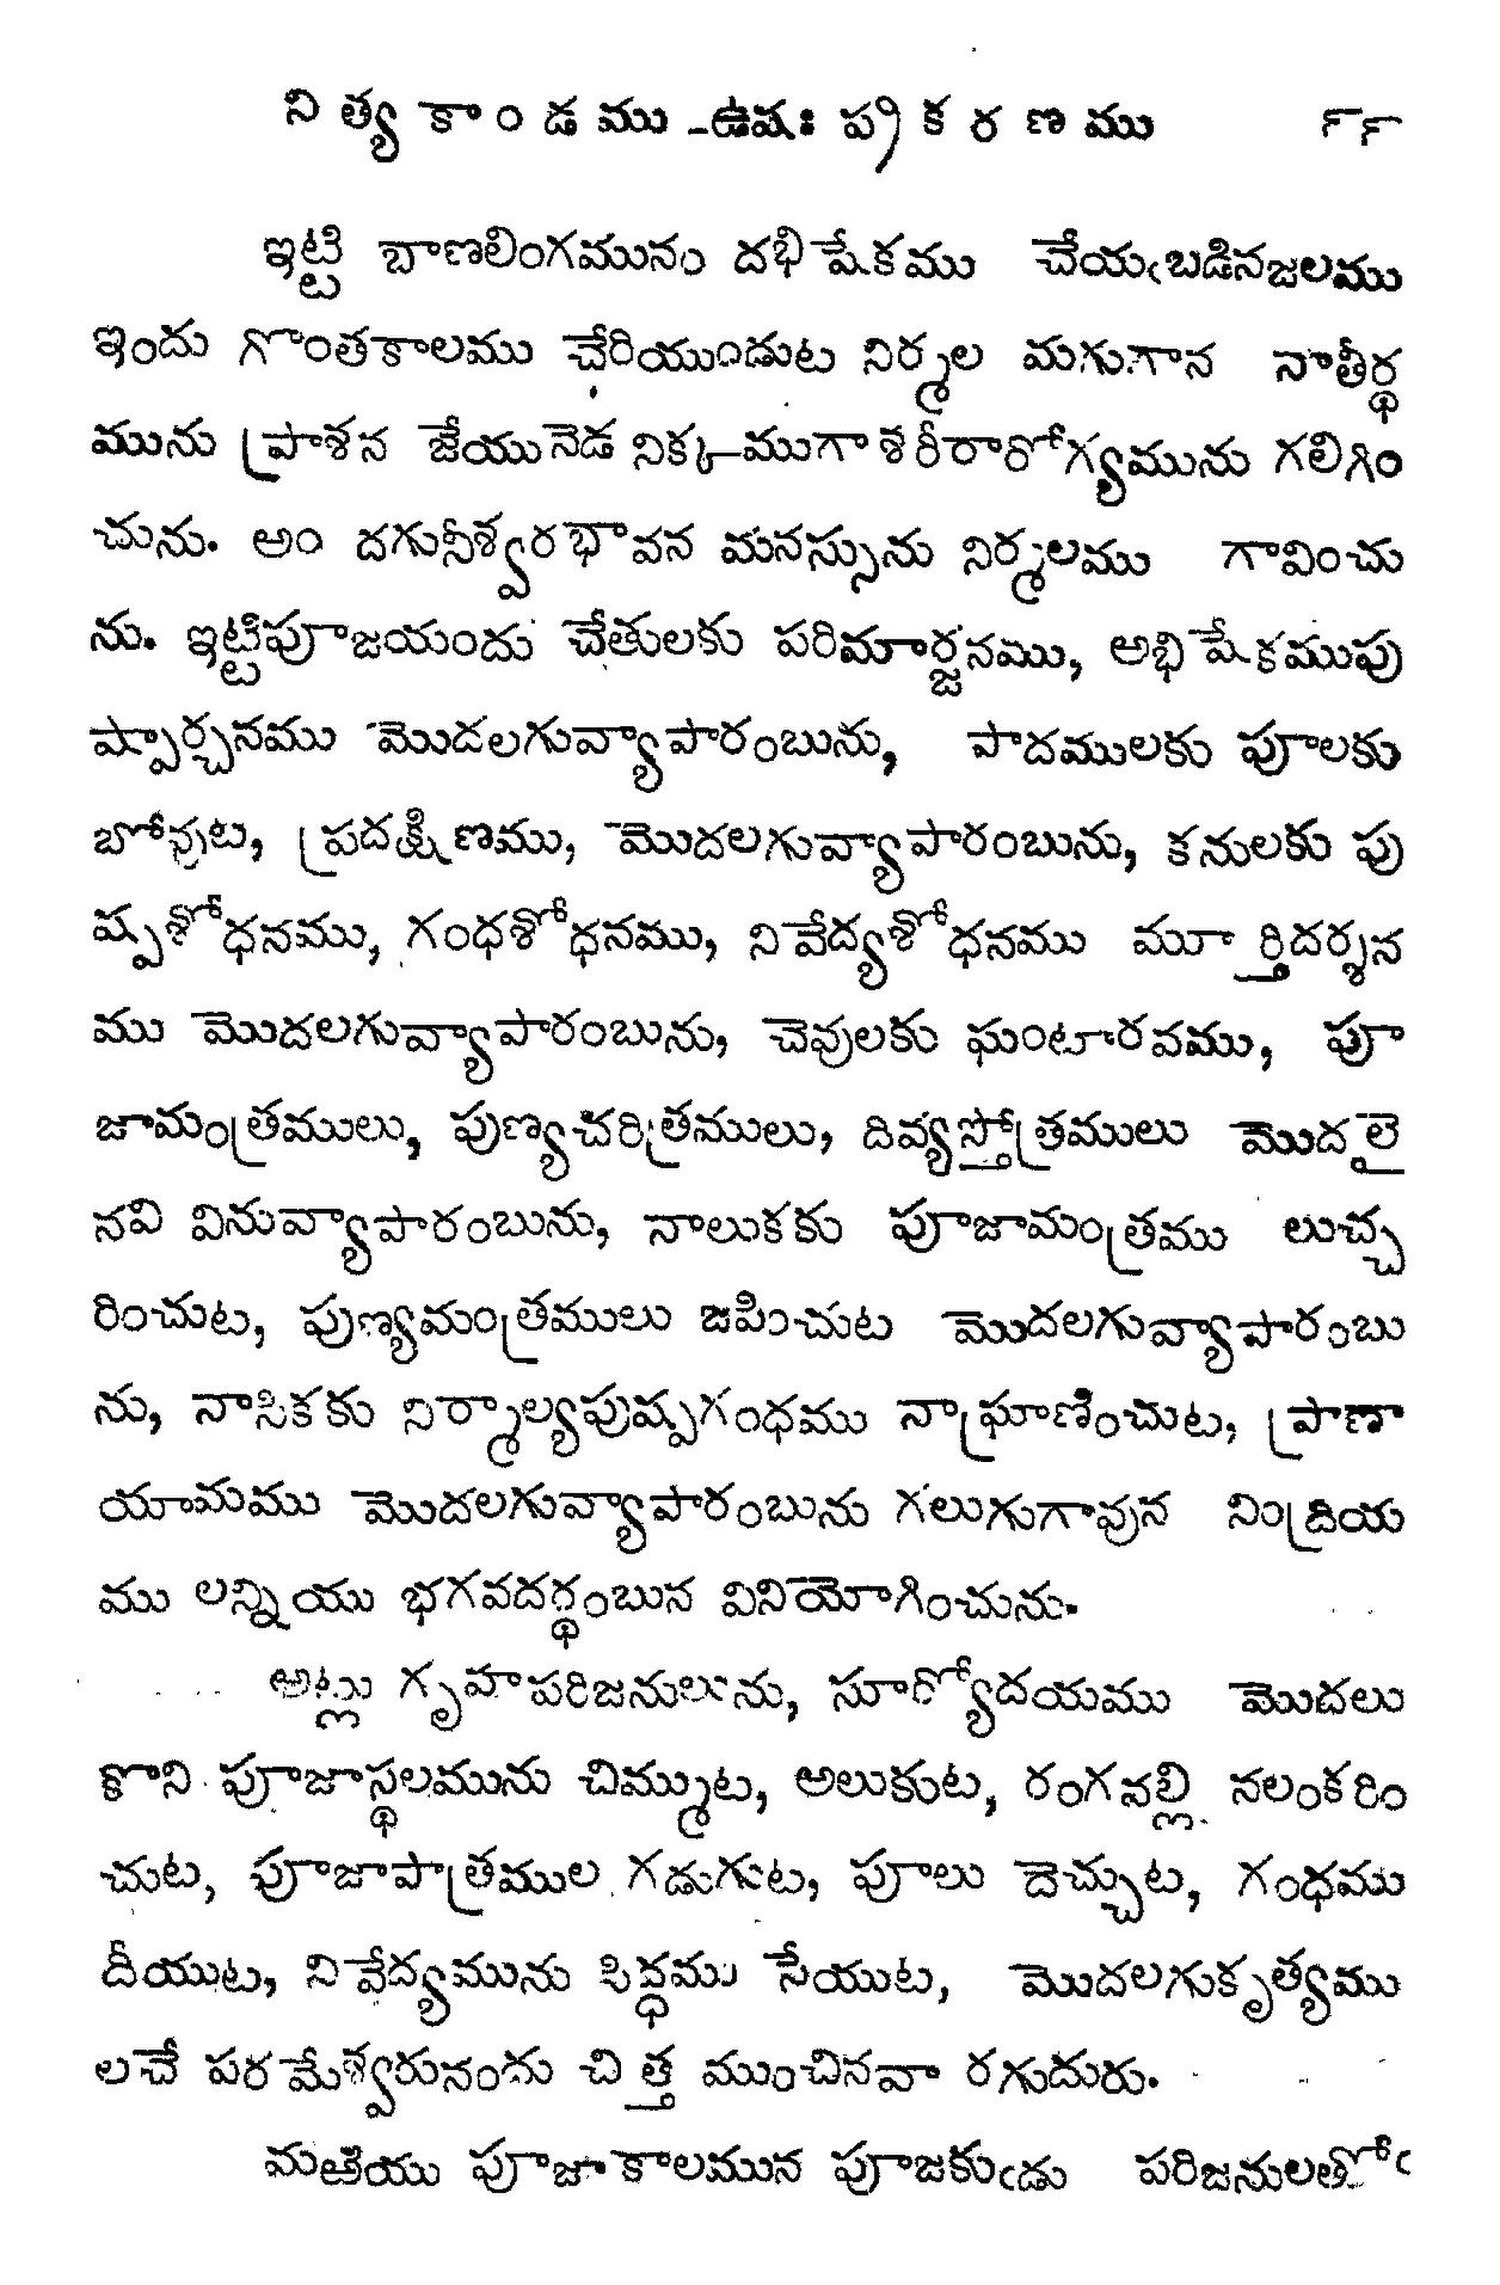ఇట్టి బాణలింగమునం దభిషేకము చేయఁబడినజలము ఇందు గొంతకాలము చేరియుండుట నిర్మల మగుగాన నాతీర్థమును ప్రాశన జేయునెడ నిక్కముగా శరీరారోగ్యమును గలిగించును. అం దగునీశ్వరభావన మనస్సును నిర్మలము గావించును. ఇట్టిపూజయందు చేతులకు పరిమార్జనము, అభిషేకముపుష్పార్చనము మొదలగువ్యాపారంబును, పాదములకు పూలకుబోవుట, ప్రదక్షిణము, మొదలగువ్యాపారంబును, కనులకు పుష్పశోధనము, గంధశోధనము, నివేద్యశోధనము మూర్తిదర్శనము మొదలగువ్యాపారంబును, చెవులకు ఘంటారవము, పూజామంత్రములు, పుణ్యచరిత్రములు, దివ్యస్తోత్రములు మొదలైనవి వినువ్యాపారంబును, నాలుకకు పూజామంత్రము లుచ్చరించుట, పుణ్యమంత్రములు జపించుట మొదలగు వ్యాపారంబును, నాసికకు నిర్మాల్యపుష్పగంధము నాఘ్రాణించుట, ప్రాణాయామము మొదలగు వ్యాపారంబును గలుగుగావున నింద్రియము లన్నియు భగవదర్థంబున వినియోగించును.

అట్లు గృహపరిజనులును, సూర్యోదయము మొదలుకొని పూజాస్థలమును చిమ్ముట, అలుకుట, రంగవల్లి నలంకరించుట, పూజాపాత్రముల గడుగుట, పూలు దెచ్చుట, గంధము దీయుట, నివేద్యమును సిద్ధము సేయుట, మొదలగుకృత్యములచే పరమేశ్వరునందు చిత్త ముంచినవా రగుదురు. 

మఱియు పూజాకాలమున పూజకుఁడు పరిజనులతోఁ